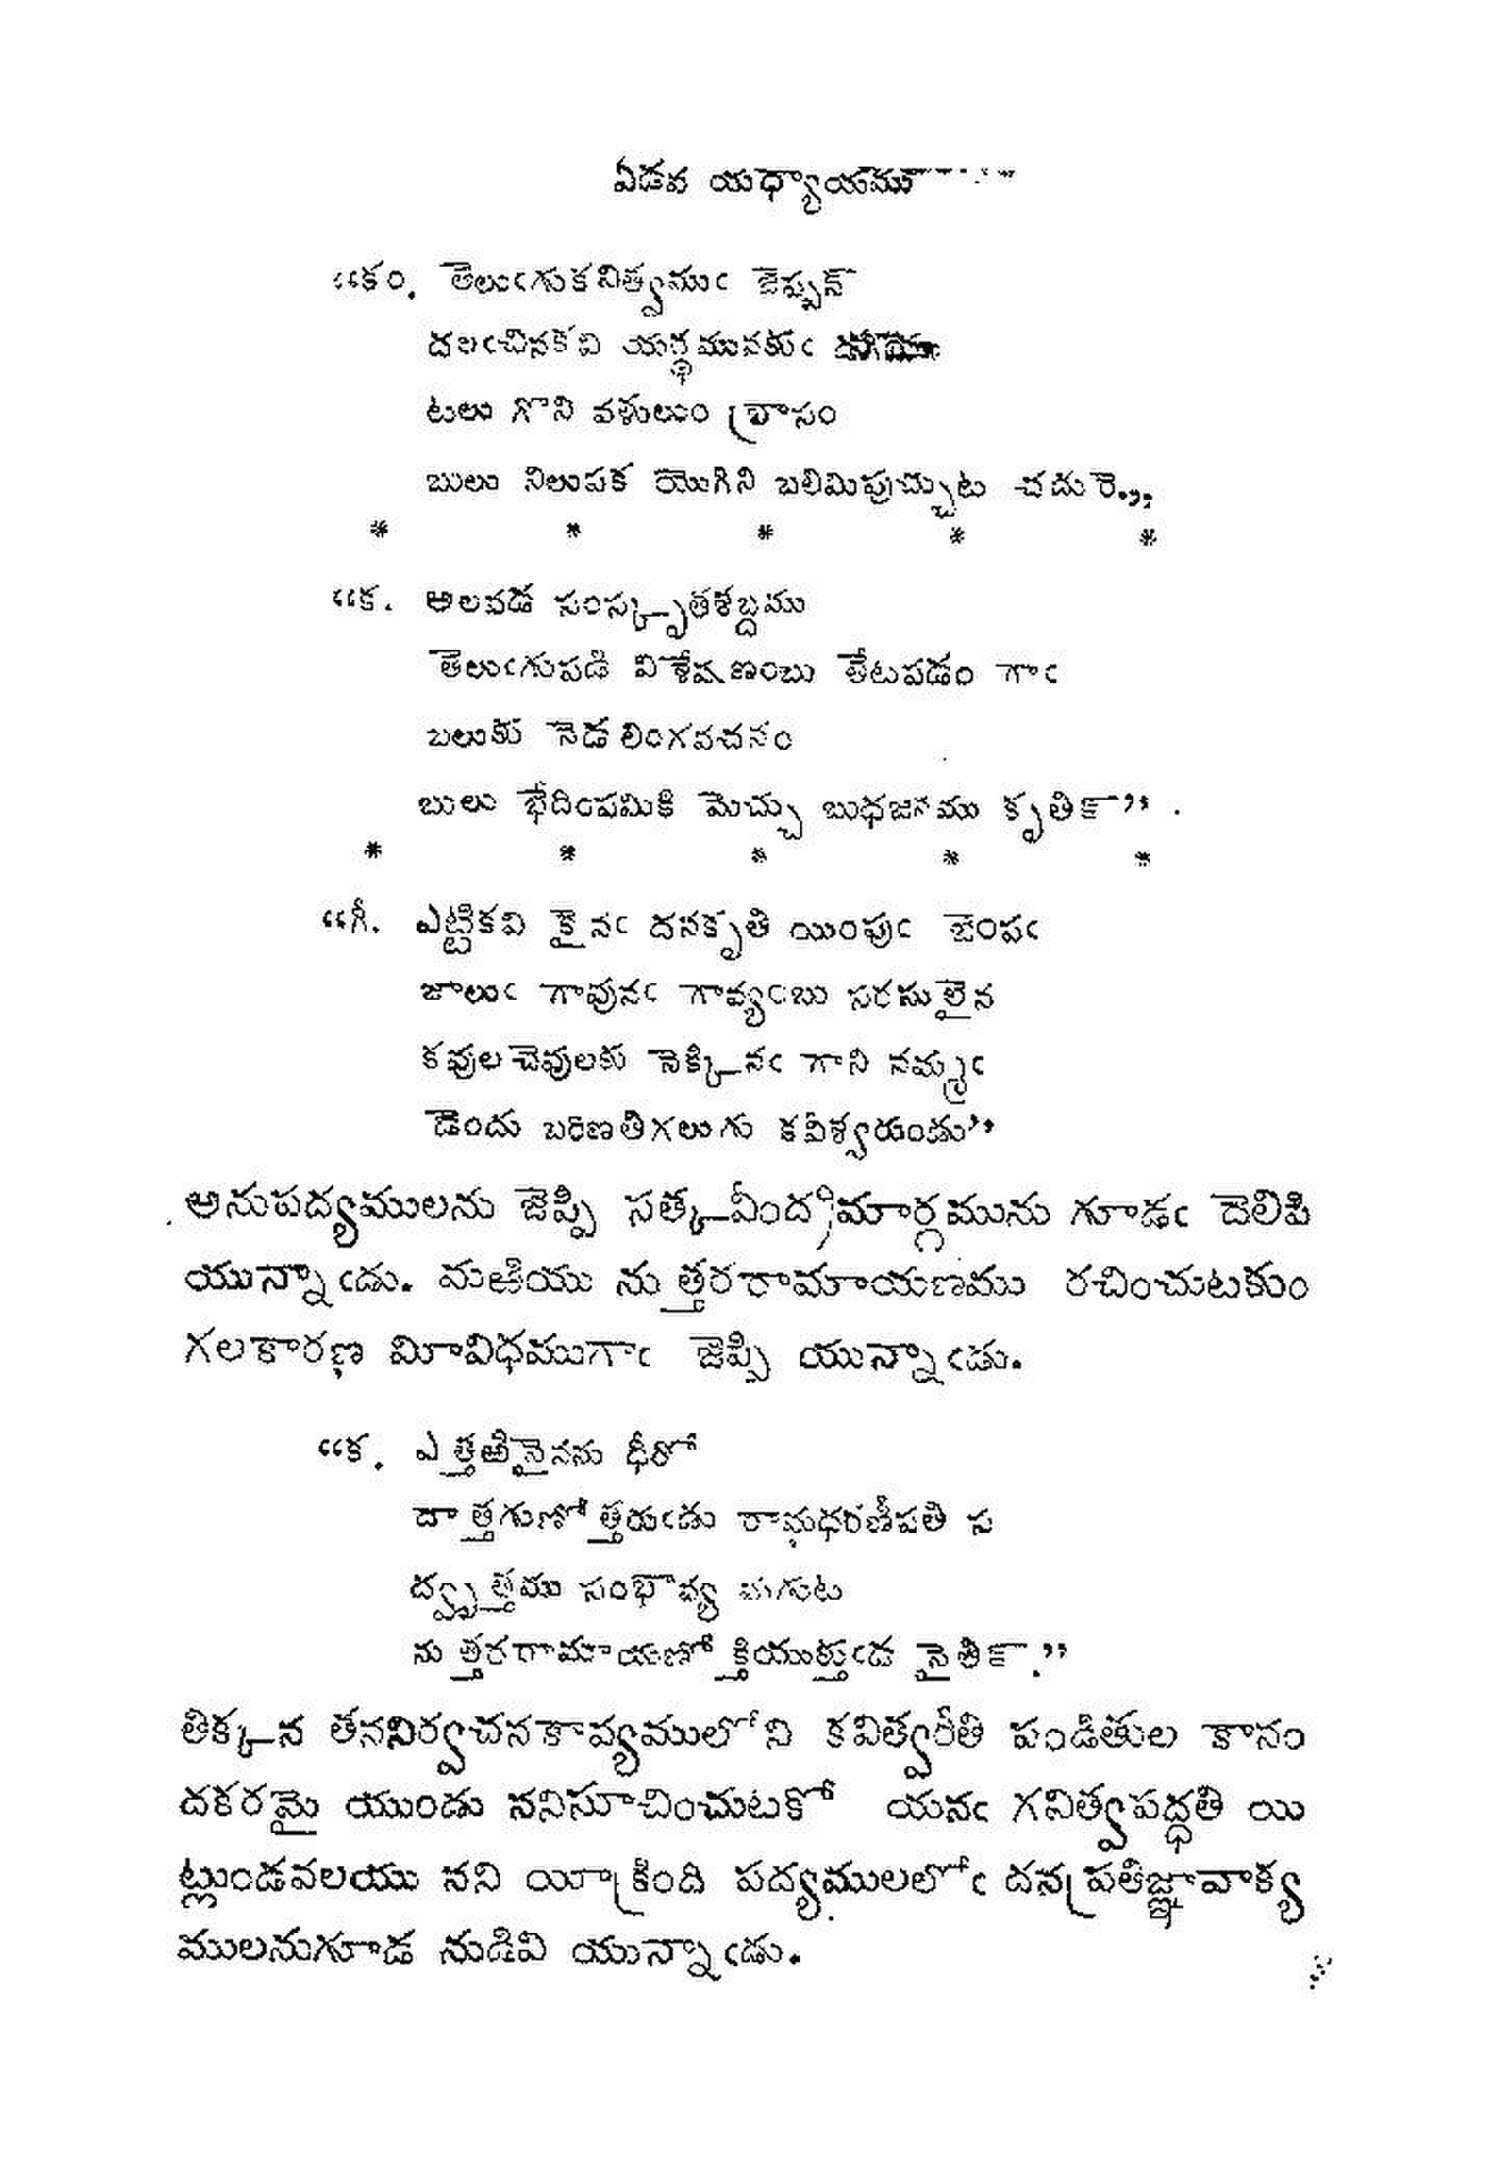"కం. తెలుఁగుకవిత్వముఁ జెప్పన్ 
 దలఁచినకవి యుర్థమునకుఁ దగమా 
 టలు గొని వళులుం బ్రాసం 
 బులు నిలుపక యొగిని బలిమిపుచ్చుట చదురె.,

"క. అలవడ సంస్కృతశబ్దము
 తెలుఁగుపడి విశేషణంబు తేటపడం గాఁ 
 బలుకు నెడలింగవచనం 
 బులు భేదింపమికి మెచ్చు బుధజనము కృతి౯."

"గీ. ఎట్టికవి కైనఁ దనకృతి యింపుఁ బెంపఁ 
 జాలుఁ గావునఁ గావ్యంబు సరసులైన 
 కవుల చెవులకు నెక్కినఁ గాని నమ్మఁ
 డెందు బరిణతిగలుగు కవీశ్వరుండు." 
అనుపద్యములను జెప్పి సత్కవీంద్రమార్గమును గూడఁ దెలిపియున్నాఁడు. మఱియు నుత్తరరామాయణము రచించుటకుం గలకారణ మీవిధముగాఁ జెప్పి యున్నాడు.

"క. ఎత్తఱినైనను ధీరో 
 దాత్తగుణోత్తరుఁడు రామధరణీపతి స 
 ద్వృత్తము సంభావ్య మగుట
 నుత్తరరామాయణోక్తియుక్తుఁడ నైతి౯." 
తిక్కన తననిర్వచనకావ్యములోని కవిత్వరీతి పండితుల కానందకరమై యుండు ననిసూచించుటకో యనఁ గవిత్వపద్దతి యిట్లుండవలయు నని యీక్రింది పద్యములలోఁ దనప్రతిజ్ఞావాక్యములనుగూడ నుడివి యున్నాఁడు.